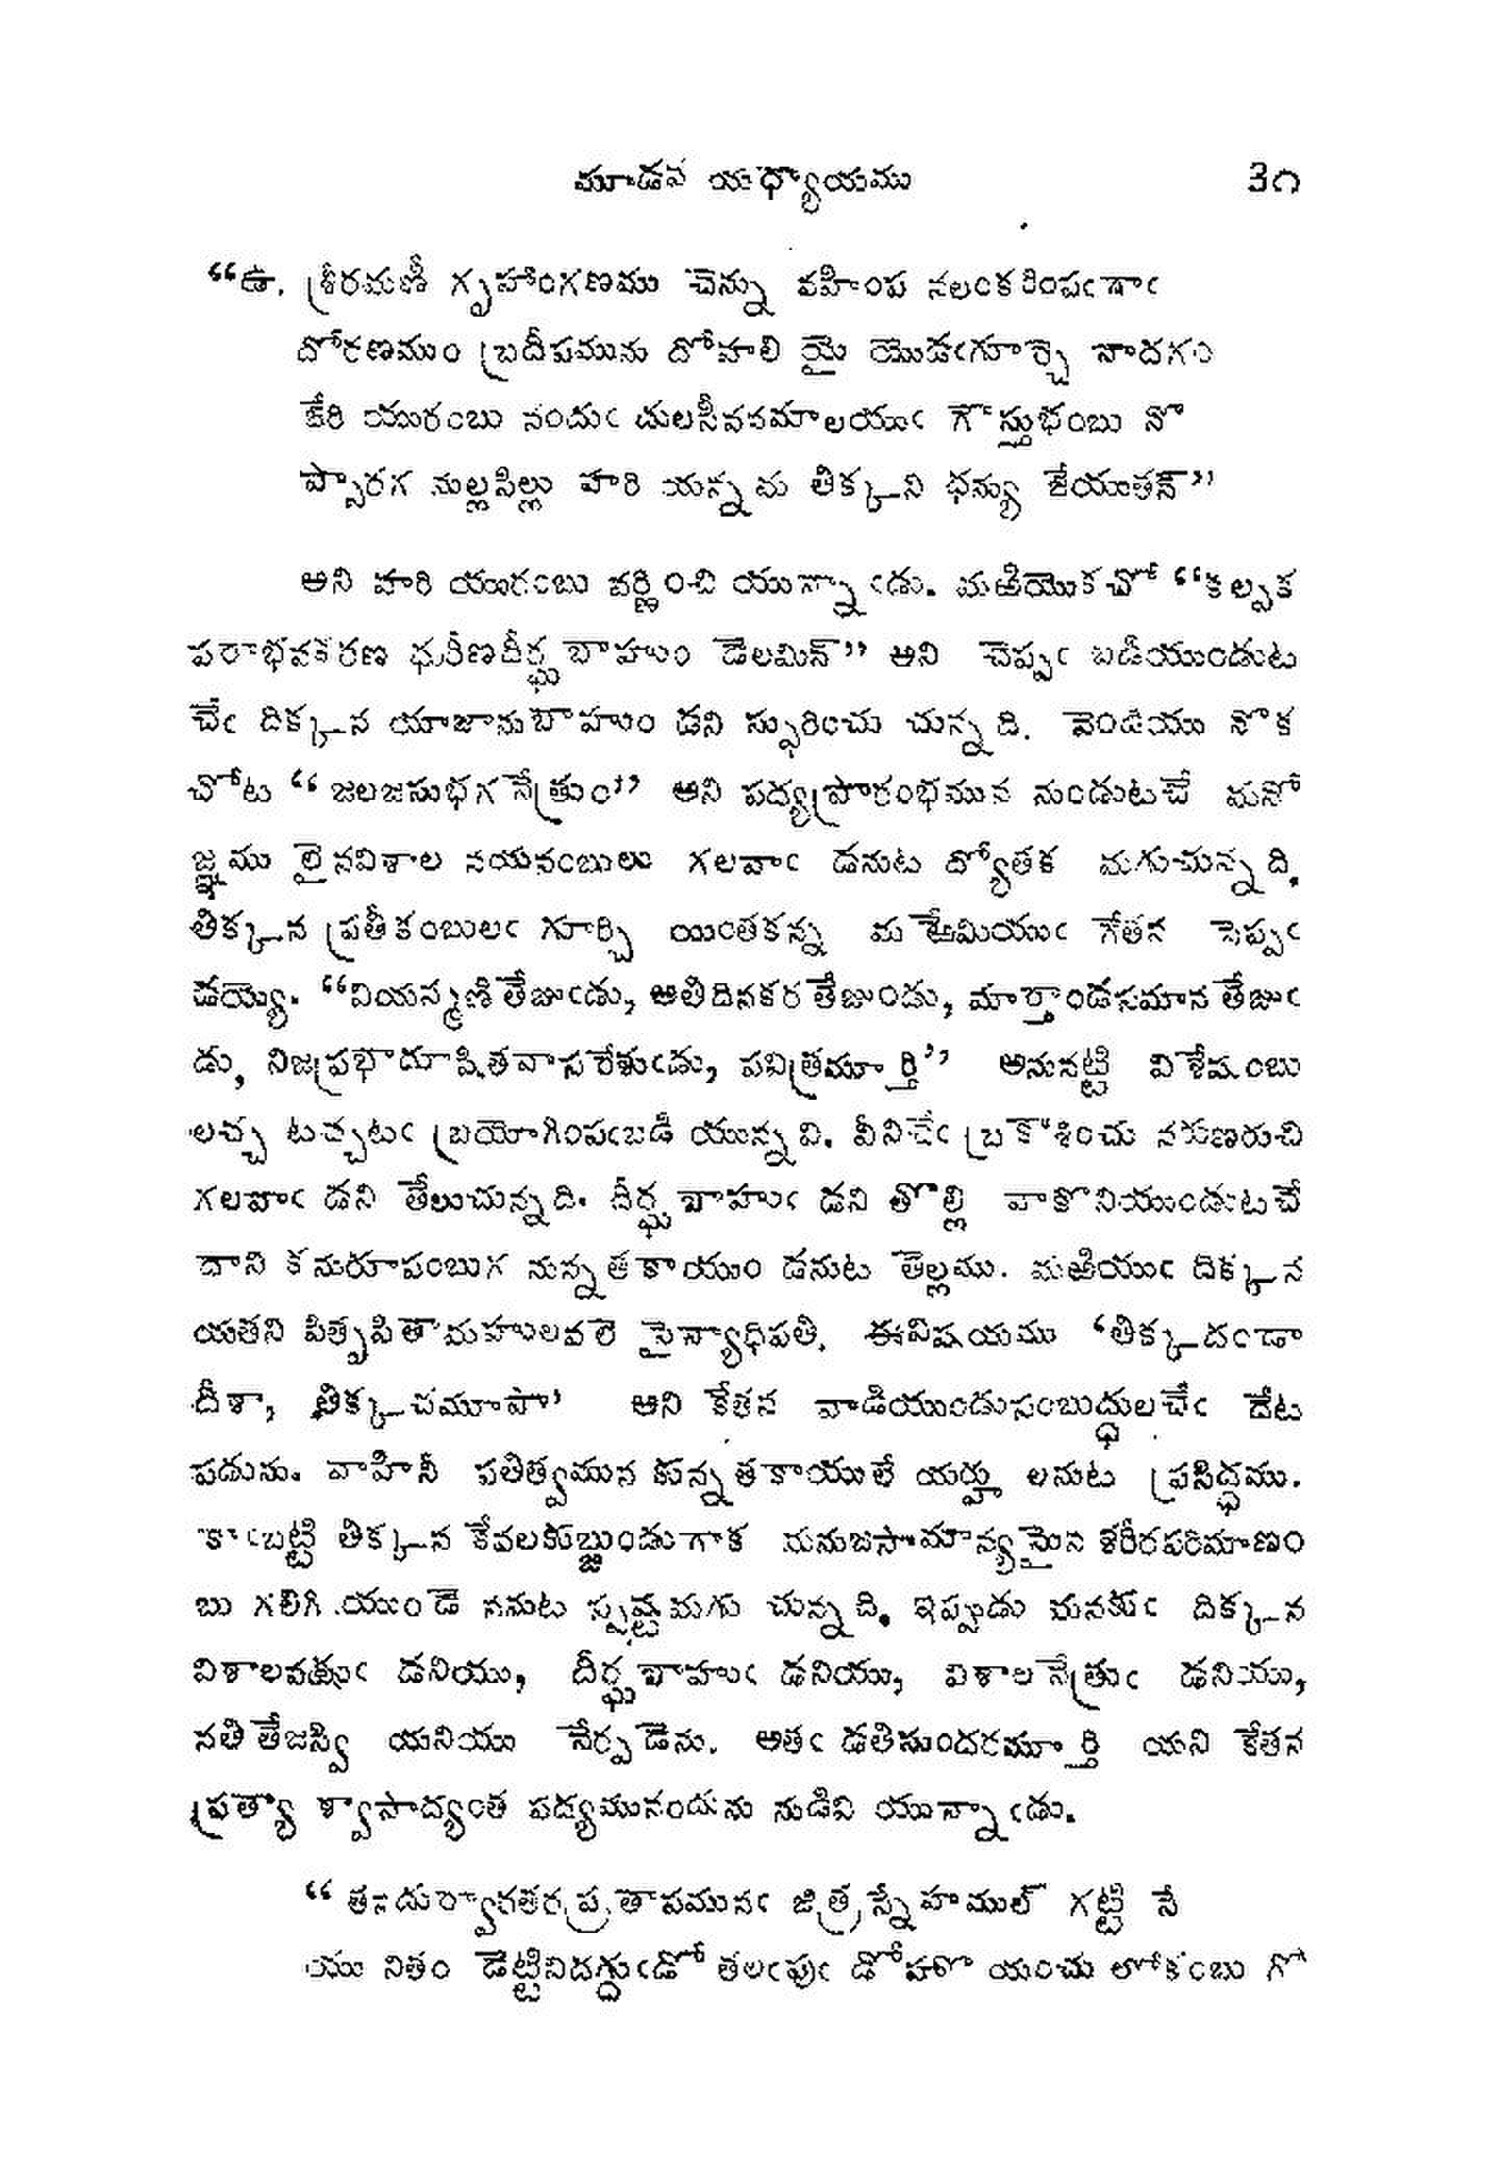“ఉ. శ్రీరమణీ గృహాంగణము చెన్ను వహింప నలంకరింపఁగాఁ 
 దోరణముం బ్రదీపమును దోహలి యై యొడఁగూర్చె నాదగం 
 జేరి యురంబు నందుఁ దులసీవనమాలయుఁ గౌస్తుభంబు నొ 
 ప్పారగ నుల్లసిల్లు హరి యున్నమ తిక్కని ధన్యు జేయుతన్"
అని హరి యురంబు వర్ణించి యున్నాడు. మఱియొకచో "కల్పక పరాభవకరణ ధురీణదీర్ఘ బాహుం డెలమిన్" అని చెప్పఁ బడియుండుటచేఁ దిక్కన యాజానుబాహుం డని స్ఫురించు చున్నది. వెండియు నొకచోట "జలజసుభగనేత్రుం" అని పద్యప్రారంభమున నుండుటచే మనోజ్ఞము లైనవిశాల నయనంబులు గలవాఁ డనుట ద్యోతక మగుచున్నది. తిక్కన ప్రతీకంబులఁ గూర్చి యింతకన్న మఱేమియుఁ గేతన సెప్పఁడయ్యె. “వియస్మణితేజుఁడు, అతిదినకరతేజుండు, మార్తాండసమానతేజుఁడు, నిజప్రభాదూషితవాసరేశుఁడు, పవిత్రమూర్తి" అనునట్టి విశేషంబు లచ్చ టచ్చటఁ బ్రయోగింపఁబడి యున్నవి. వీనిచేఁ బ్రకాశించు నగరుణరుచి గలవాఁ డని తేలుచున్నది. దీర్ఘబాహుఁ డని తొల్లి వాకొనియుండుటచే దాని కనురూపంబుగ నున్నతకాయుం డనుట తెల్లము. మఱియుఁ దిక్కన యతని పితృపితామహులవలె సైన్యాధిపతి, ఈవిషయము 'తిక్కదండా దీశా, తిక్క చమూపా' అని కేతన వాడియుండుసంబుద్దులచేఁ దేట పడును. వాహినీ పతిత్వమున కున్నతకాయులే యర్హు లనుట ప్రసిద్ధము. కాఁబట్టి తిక్కన కేవలకుబ్జుండుగాక మనుజసామాన్యమైన శరీరపరిమాణంబు గలిగి యుండె ననుట స్పష్టమగు చున్నది. ఇప్పుడు మనకుఁ దిక్కన విశాలవక్షుఁ డనియు, దీర్ఘబాహుఁ డనియు, విశాలనేత్రుఁ డనియు, నతితేజస్వి యనియు నేర్పడెను. అతఁ డతిసుందరమూర్తి యని కేతన ప్రత్యా శ్వాసాద్యంత పద్యమునందును నుడివి యున్నాఁడు.

“తనదుర్వారతరప్రతాపమునఁ జిత్రస్నేహముల్ గట్టి నే 
 యు నితం డెట్టినిదగ్దుఁడో తలఁపుఁ డోహొ యంచు లోకంబు గో